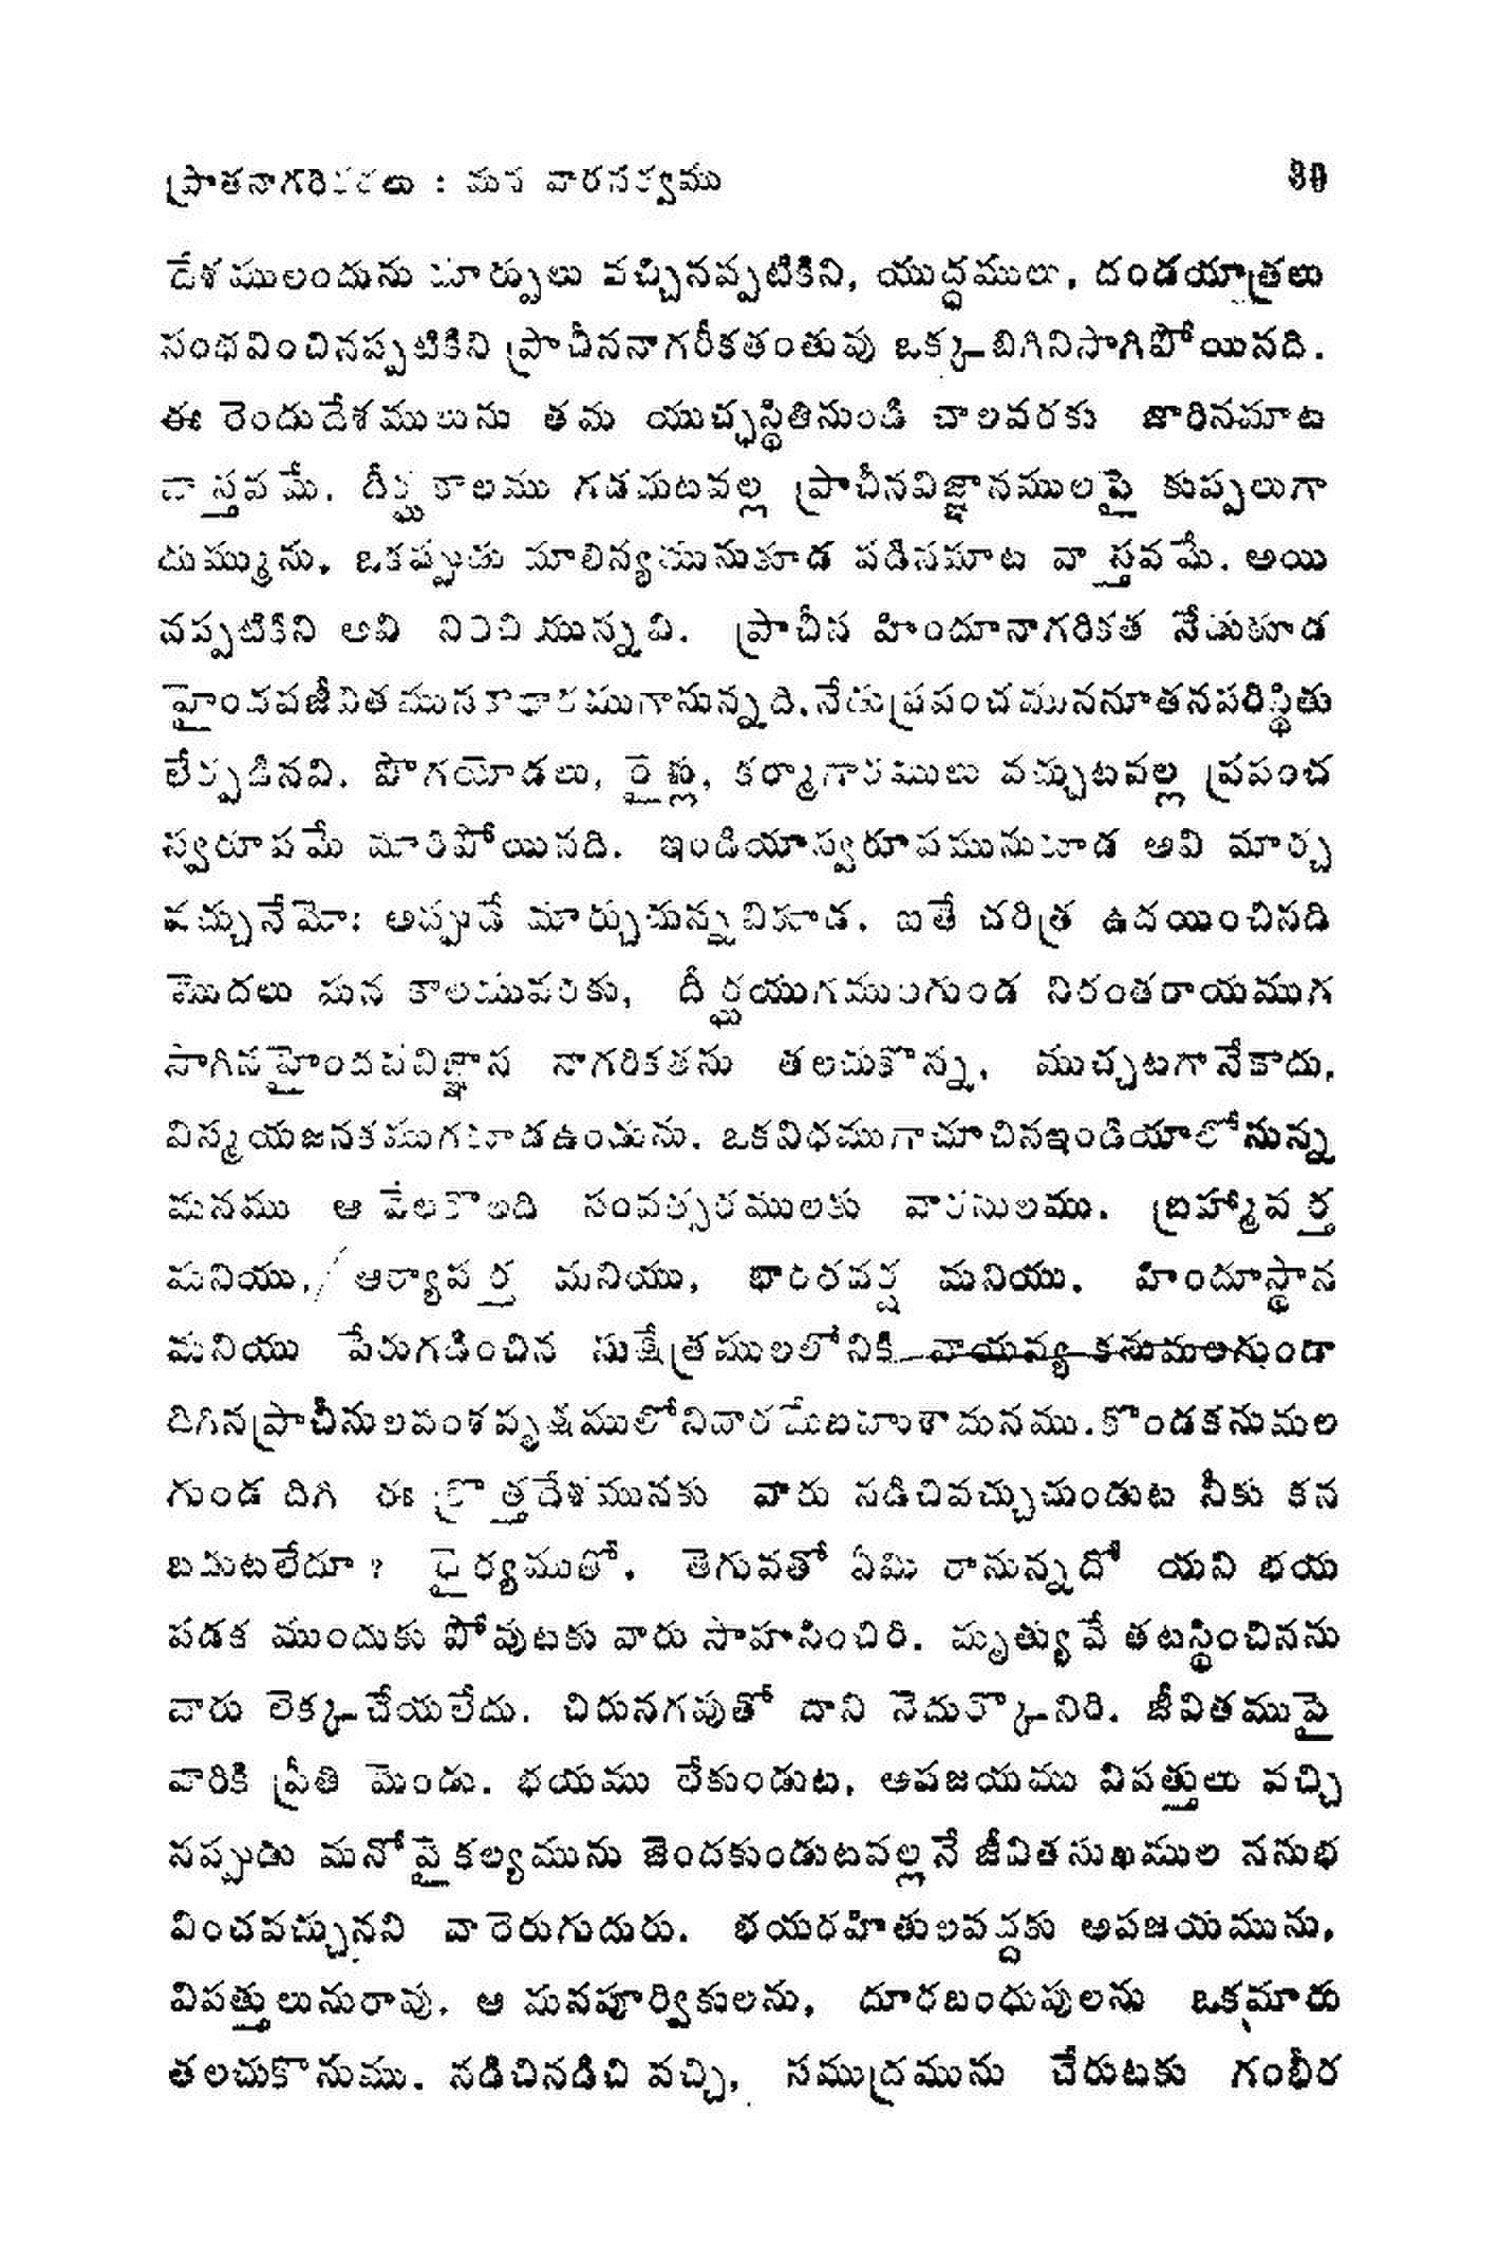దేశములందును మార్పులు వచ్చినప్పటికిని, యుద్ధములు, దండయాత్రలు సంభవించినప్పటికిని ప్రాచీన నాగరీకతంతువు ఒక్క బిగినిసాగిపోయినది. ఈ రెండుదేశములును తమ యుచ్చస్థితి నుండి చాలవరకు జారినమాట వాస్తవమే. దీర్ఘ కాలము గడచుటవల్ల ప్రాచీన విజ్ఞానములపై కుప్పలుగా దుమ్మును, ఒకప్పుడు మాలిన్యమునుకూడ పడినమాట వాస్తవమే. అయినప్పటికిని అవి నిలిచియున్నవి. ప్రాచీన హిందూనాగరికత నేడుకూడ హైందవజీవితమున కాధారముగానున్నది. నేడు ప్రపంచముననూతనపరిస్థితు లేర్పడినవి. పొగయోడలు, రైళ్లు, కర్మాగారములు వచ్చుటవల్ల ప్రపంచ స్వరూపమే మారిపోయినది. ఇండియాస్వరూపమునుకూడ అవి మార్చ వచ్చునేమో, అప్పుడే మార్చుచున్నవికూడ, ఐతే చరిత్ర ఉదయించినది మొదలు మన కాలమువరకు, దీర్ఘయుగములగుండ నిరంతరాయముగ సాగినహైందవవిజ్ఞాన నాగరికతను తలచుకొన్న, ముచ్చటగానే కాదు, విస్మయజనకముగకూడ ఉండును. ఒక విధముగా చూచినఇండియాలోనున్న మనము ఆ వేలకొలది సంవత్సరములకు వారసులము. బ్రహ్మావర్త మనియు, ఆర్యావర్త మనియు, భారతవర్ష మనియు, హిందూస్థాన మనియు పేరుగడించిన సుక్షేత్రములలోనికి వాయవ్య కనుమలగుండా దిగిన ప్రాచీనులవంశవృక్షములోనివారమే బహుశామనము. కొండకనుమల గుండ దిగి ఈ క్రొత్తదేశమునకు వారు నడిచివచ్చుచుండుట నీకు కనబడుటలేదూ ? థైర్యముతో, తెగువతో ఏమి రానున్నదో యని భయపడక ముందుకు పోవుటకు వారు సాహసించిరి. మృత్యు వే తటస్థించినను వారు లెక్క చేయలేదు. చిరునగవుతో దాని నెదుర్కొనిరి. జీవితముపై వారికి ప్రీతి మెండు. భయము లేకుండుట, అపజయము విపత్తులు వచ్చినప్పుడు మనోవైకల్యమును జెందకుండుటవల్లనే జీవితసుఖముల ననుభవించవచ్చునని వారెరుగుదురు. భయరహితులవద్దకు అపజయమును, విపత్తులునురావు. ఆ మనపూర్వికులను, దూరబంధువులను ఒకమారు తలచుకొనుము. నడిచినడిచి వచ్చి, సముద్రమును చేరుటకు గంభీర